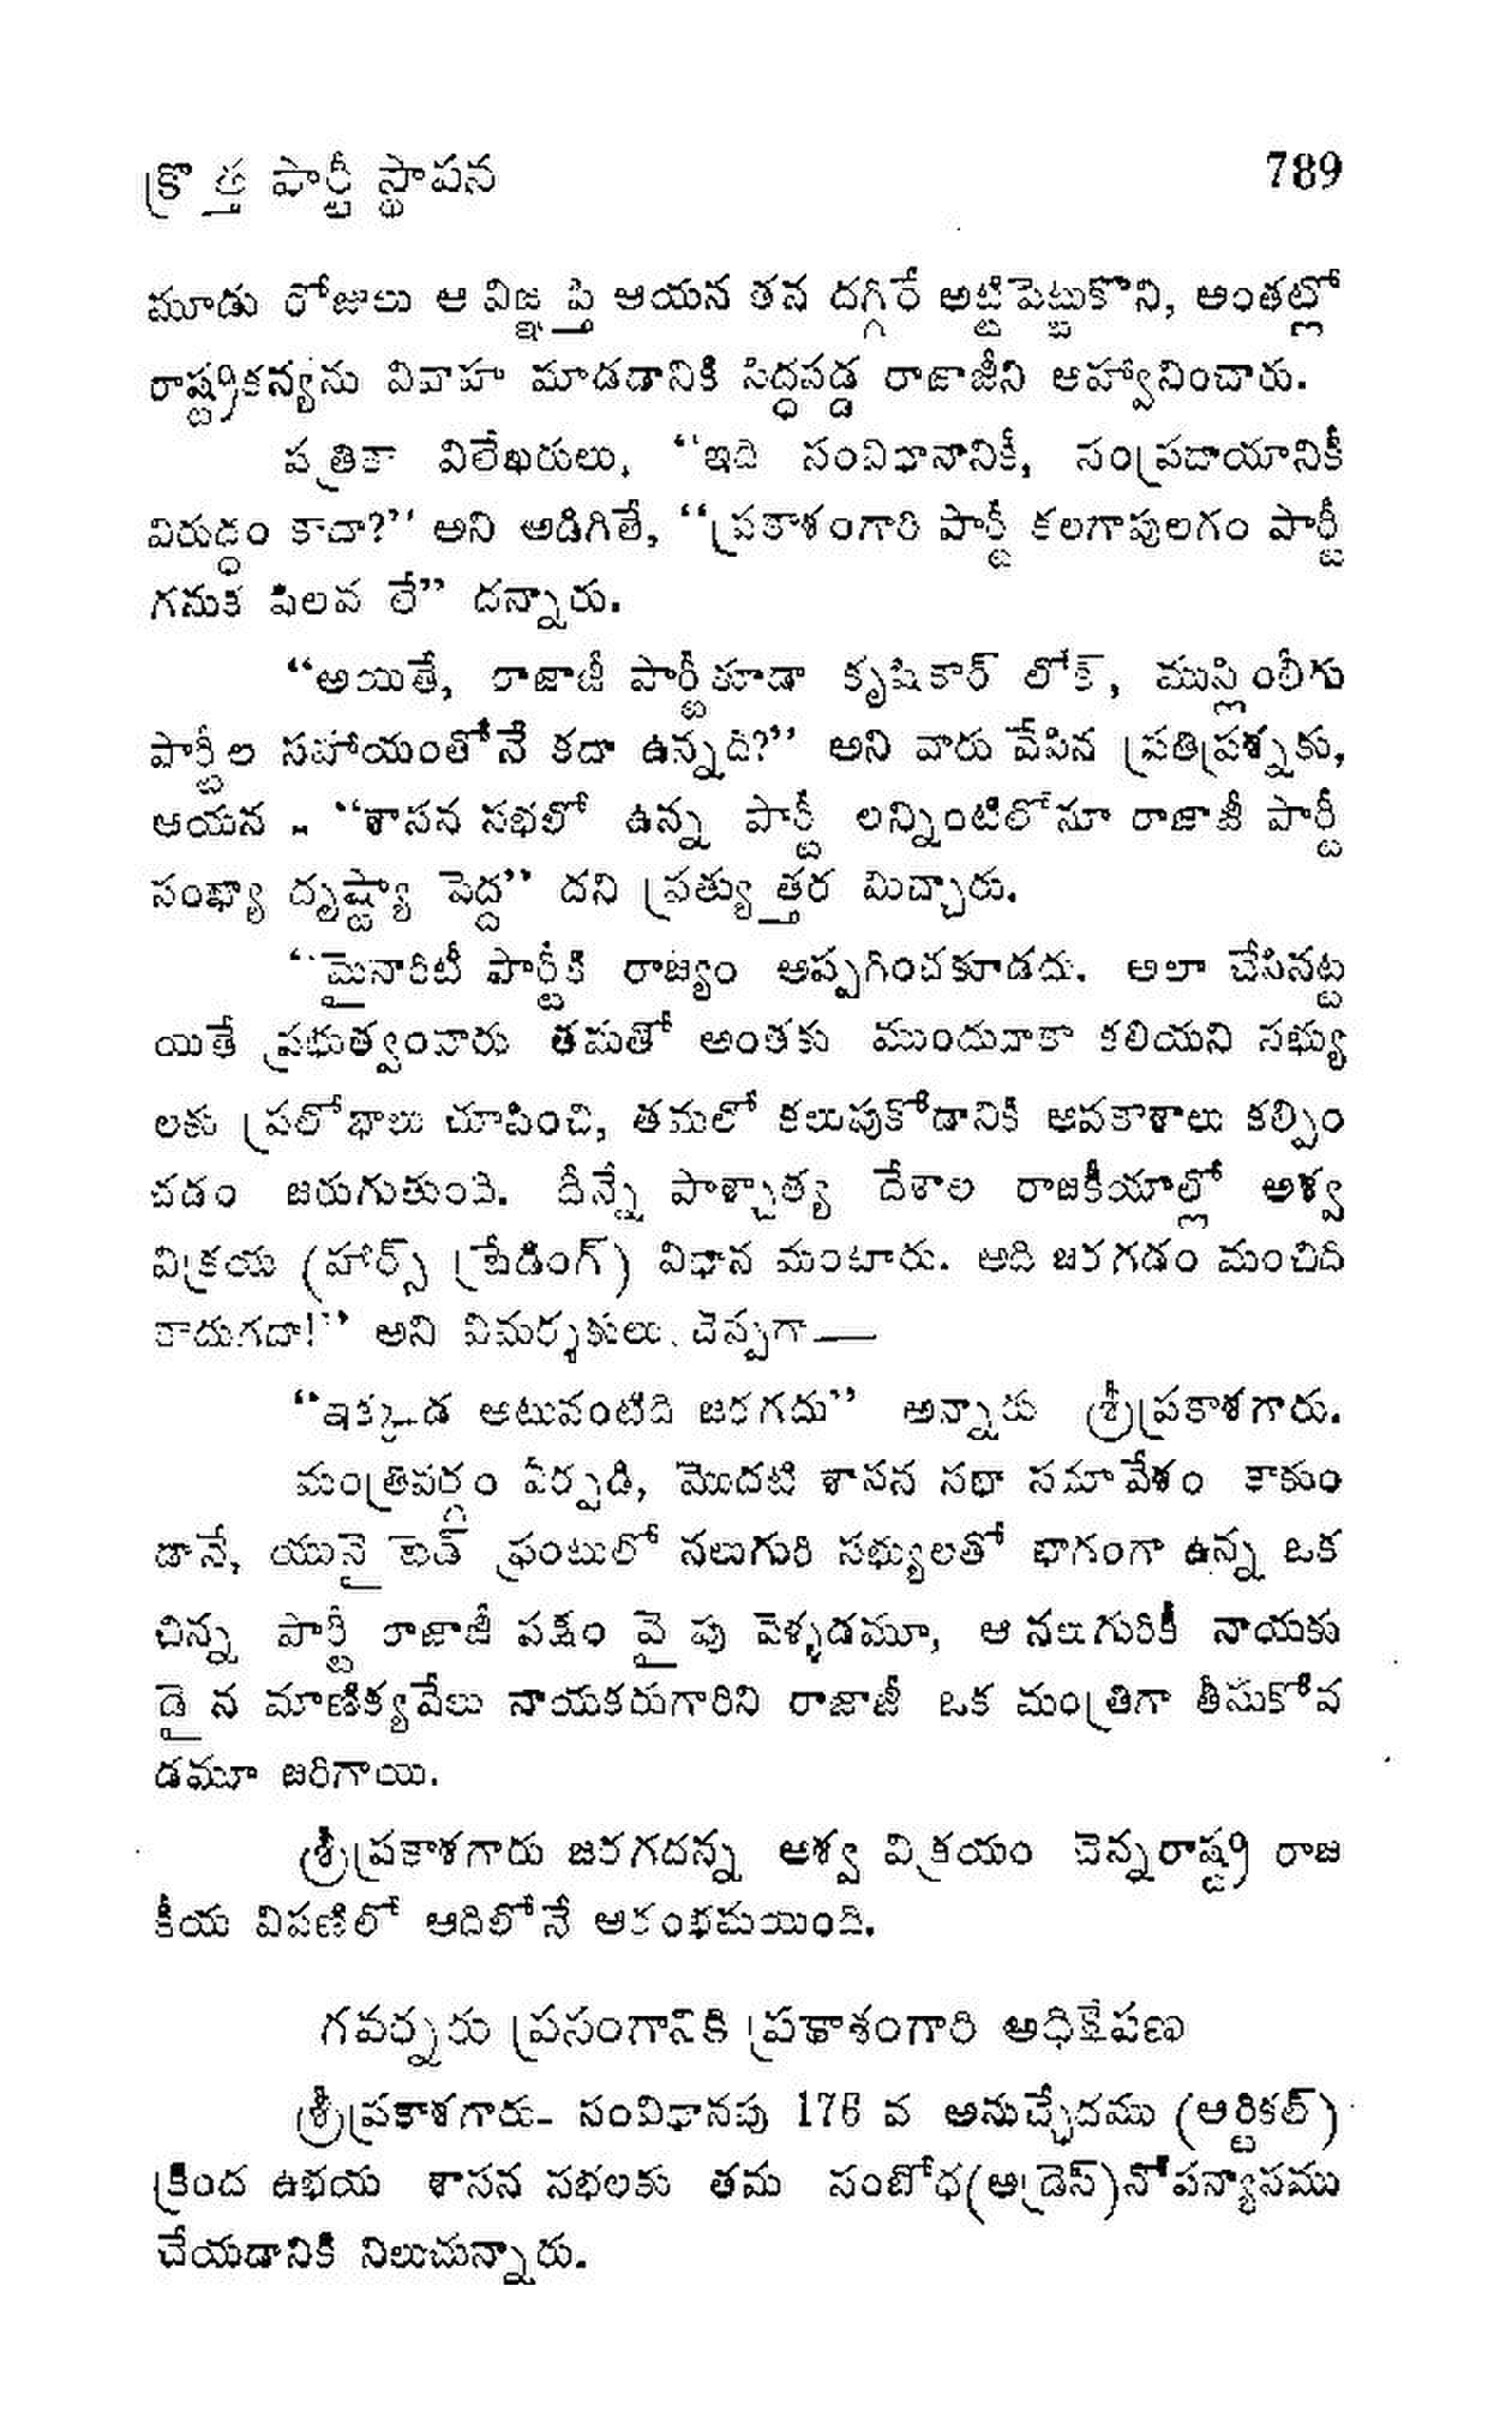మూడు రోజులు ఆ విజ్ఞప్తి ఆయన తన దగ్గిరే అట్టిపెట్టుకొని, అంతట్లో రాష్ట్రకన్యను వివాహ మాడడానికి సిద్ధపడ్డ రాజాజీని ఆహ్వానించారు.

పత్రికా విలేఖరులు, "ఇది సంవిధానానికీ, సంప్రదాయానికీ విరుద్ధం కాదా?" అని అడిగితే, "ప్రకాశంగారి పార్టీ కలగాపులగం పార్టీ గనుక పిలవ లే" దన్నారు.

"అయితే, రాజాజీ పార్టీకూడా కృషికార్ లోక్, ముస్లింలీగు పార్టీల సహాయంతోనే కదా ఉన్నది?" అని వారు వేసిన ప్రతిప్రశ్నకు, ఆయన - "శాసన సభలో ఉన్న పార్టీ లన్నింటిలోనూ రాజాజీ పార్టీ సంఖ్యా దృష్ట్యా పెద్ద" దని ప్రత్యుత్తర మిచ్చారు.

"మైనారిటీ పార్టీకి రాజ్యం అప్పగించకూడదు. అలా చేసినట్టయితే ప్రభుత్వంవారు తమతో అంతకు ముందుదాకా కలియని సభ్యులకు ప్రలోభాలు చూపించి, తమలో కలుపుకోడానికి అవకాశాలు కల్పించడం జరుగుతుంది. దీన్నే పాశ్చాత్య దేశాల రాజకీయాల్లో అశ్వ విక్రయ (హార్స్ ట్రేడింగ్) విధాన మంటారు. అది జరగడం మంచిది కాదుగదా!" అని విమర్శకులు చెప్పగా -

"ఇక్కడ అటువంటిది జరగదు" అన్నారు శ్రీప్రకాశగారు.

మంత్రివర్గం ఏర్పడి, మొదటి శాసన సభా సమావేశం కాకుండానే, యునైటెడ్ ఫ్రంటులో నలుగురి సభ్యులతో భాగంగా ఉన్న ఒక చిన్న పార్టీ రాజాజీ పక్షం వైపు వెళ్ళడమూ, ఆ నలుగురికీ నాయకుడైన మాణిక్యవేలు నాయకరుగారిని రాజాజీ ఒక మంత్రిగా తీసుకోవడమూ జరిగాయి.

శ్రీప్రకాశగారు జరగదన్న అశ్వ విక్రయం చెన్నరాష్ట్ర రాజకీయ విపణిలో ఆదిలోనే ఆరంభమయింది.

శ్రీప్రకాశగారు - సంవిధానపు 176 వ అనుచ్ఛేదము (ఆర్టికల్) క్రింద ఉభయ శాసన సభలకు తమ సంబోధ (అడ్రెస్)నోపన్యాసము చేయడానికి నిలుచున్నారు.